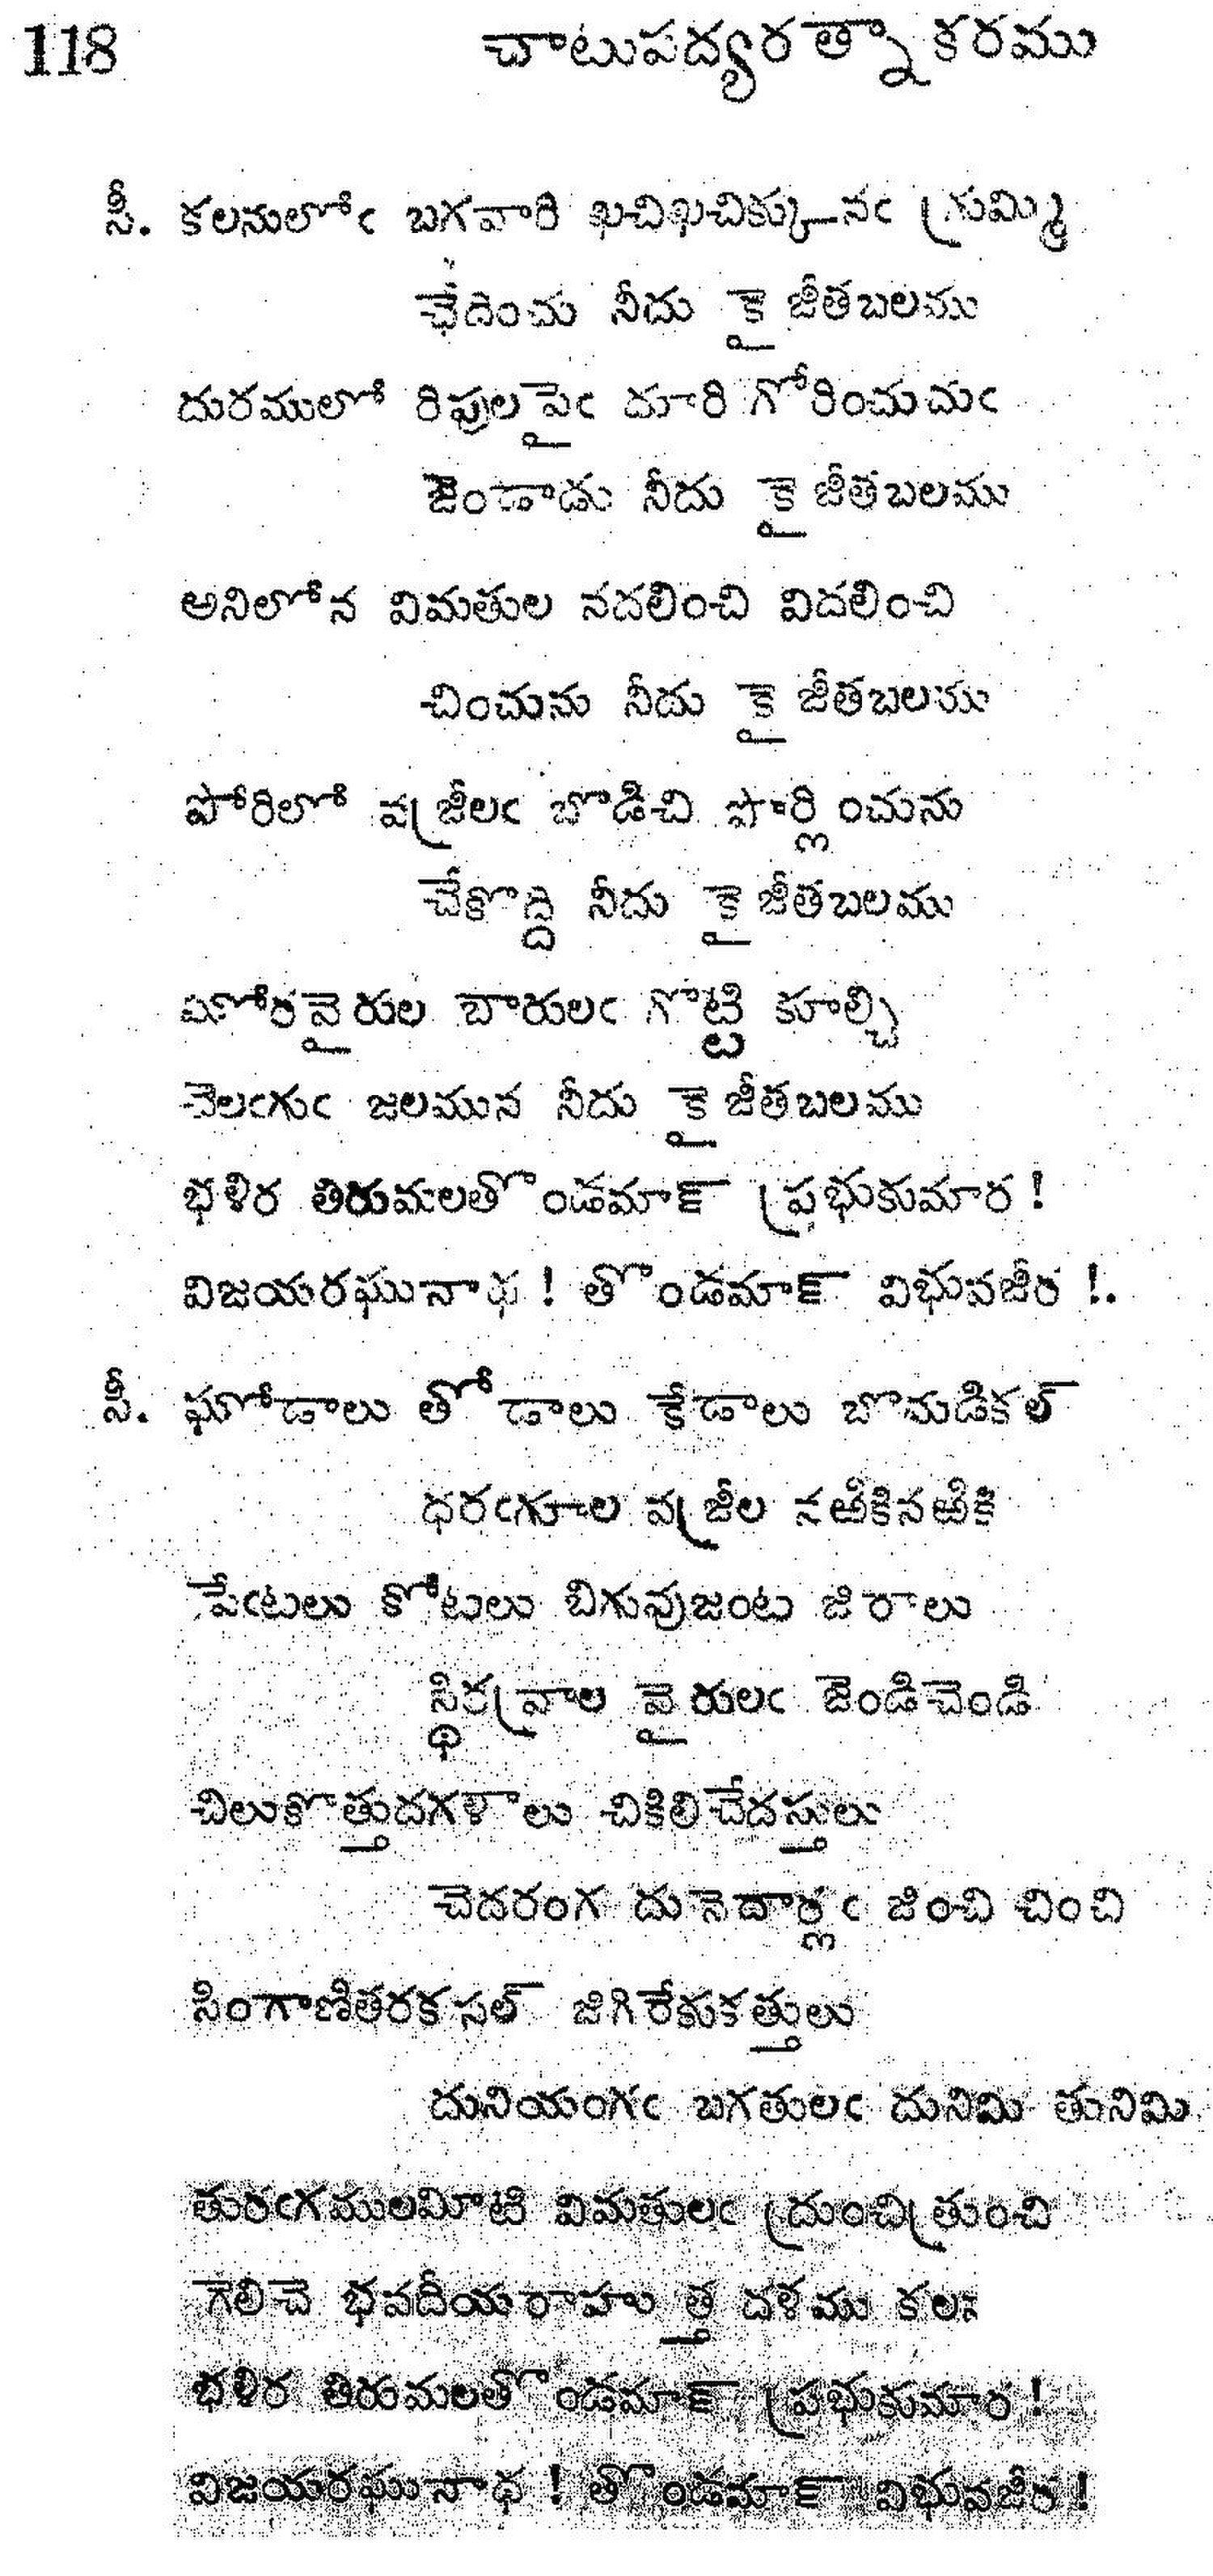సీ. కలనులోఁ బగవారి ఖచిఖచిక్కునఁ గ్రుమ్మి
 ఛేదించు నీదు కైజీతబలము
 దురములో రిపులపైఁ దూరి గోరించుచుఁ
 జెండాడు నీదు కైజీతబలము
 అనిలోన విమతుల నదలించి విదలించి
 చించును నీదు కైజీతబలము
 పోరిలో వజ్రీలఁ బొడిచి పొర్లించును
 చేకొద్ది నీదు కైజీతబలము
 ఘోరవైరుల బారులఁ గొట్టి కూల్చి
 చెలఁగుఁ జలమున నీదు కైజీతబలము
 భళిర! తిరుతొండమాన్ ప్రభుకుమార!
 విజయరఘునాథ! తొండమాన్ విభువజీర.

సీ. ఘోడాలు తోడాలు కేడాలు బొమడికల్
 ధరఁ గూల వజ్రీల నఱికి నఱికి
 పేఁటలు కోటలు బిగువుజంట జిరాలు
 స్థిరవ్రాల వైరులఁ జెండి చెండి
 చిలుకొత్తుదగళాలు చికిలిచేదస్తులు
 చెదరంగ దునెదార్లఁ జించి చించి
 సింగాణితరకసల్ జిగిరేకుకత్తులు
 దునియంగఁ బగతులఁ దునిమి దునిమి
 తురఁగముల మీటు విమతులఁ ద్రుంచి త్రుంచి
 గెలిచె భవదీయరాహుత్తదళము కలన
 భళిర! తిరుతొండమాన్ ప్రభుకుమార!
 విజయరఘునాథ! తొండమాన్ విభువజీర.